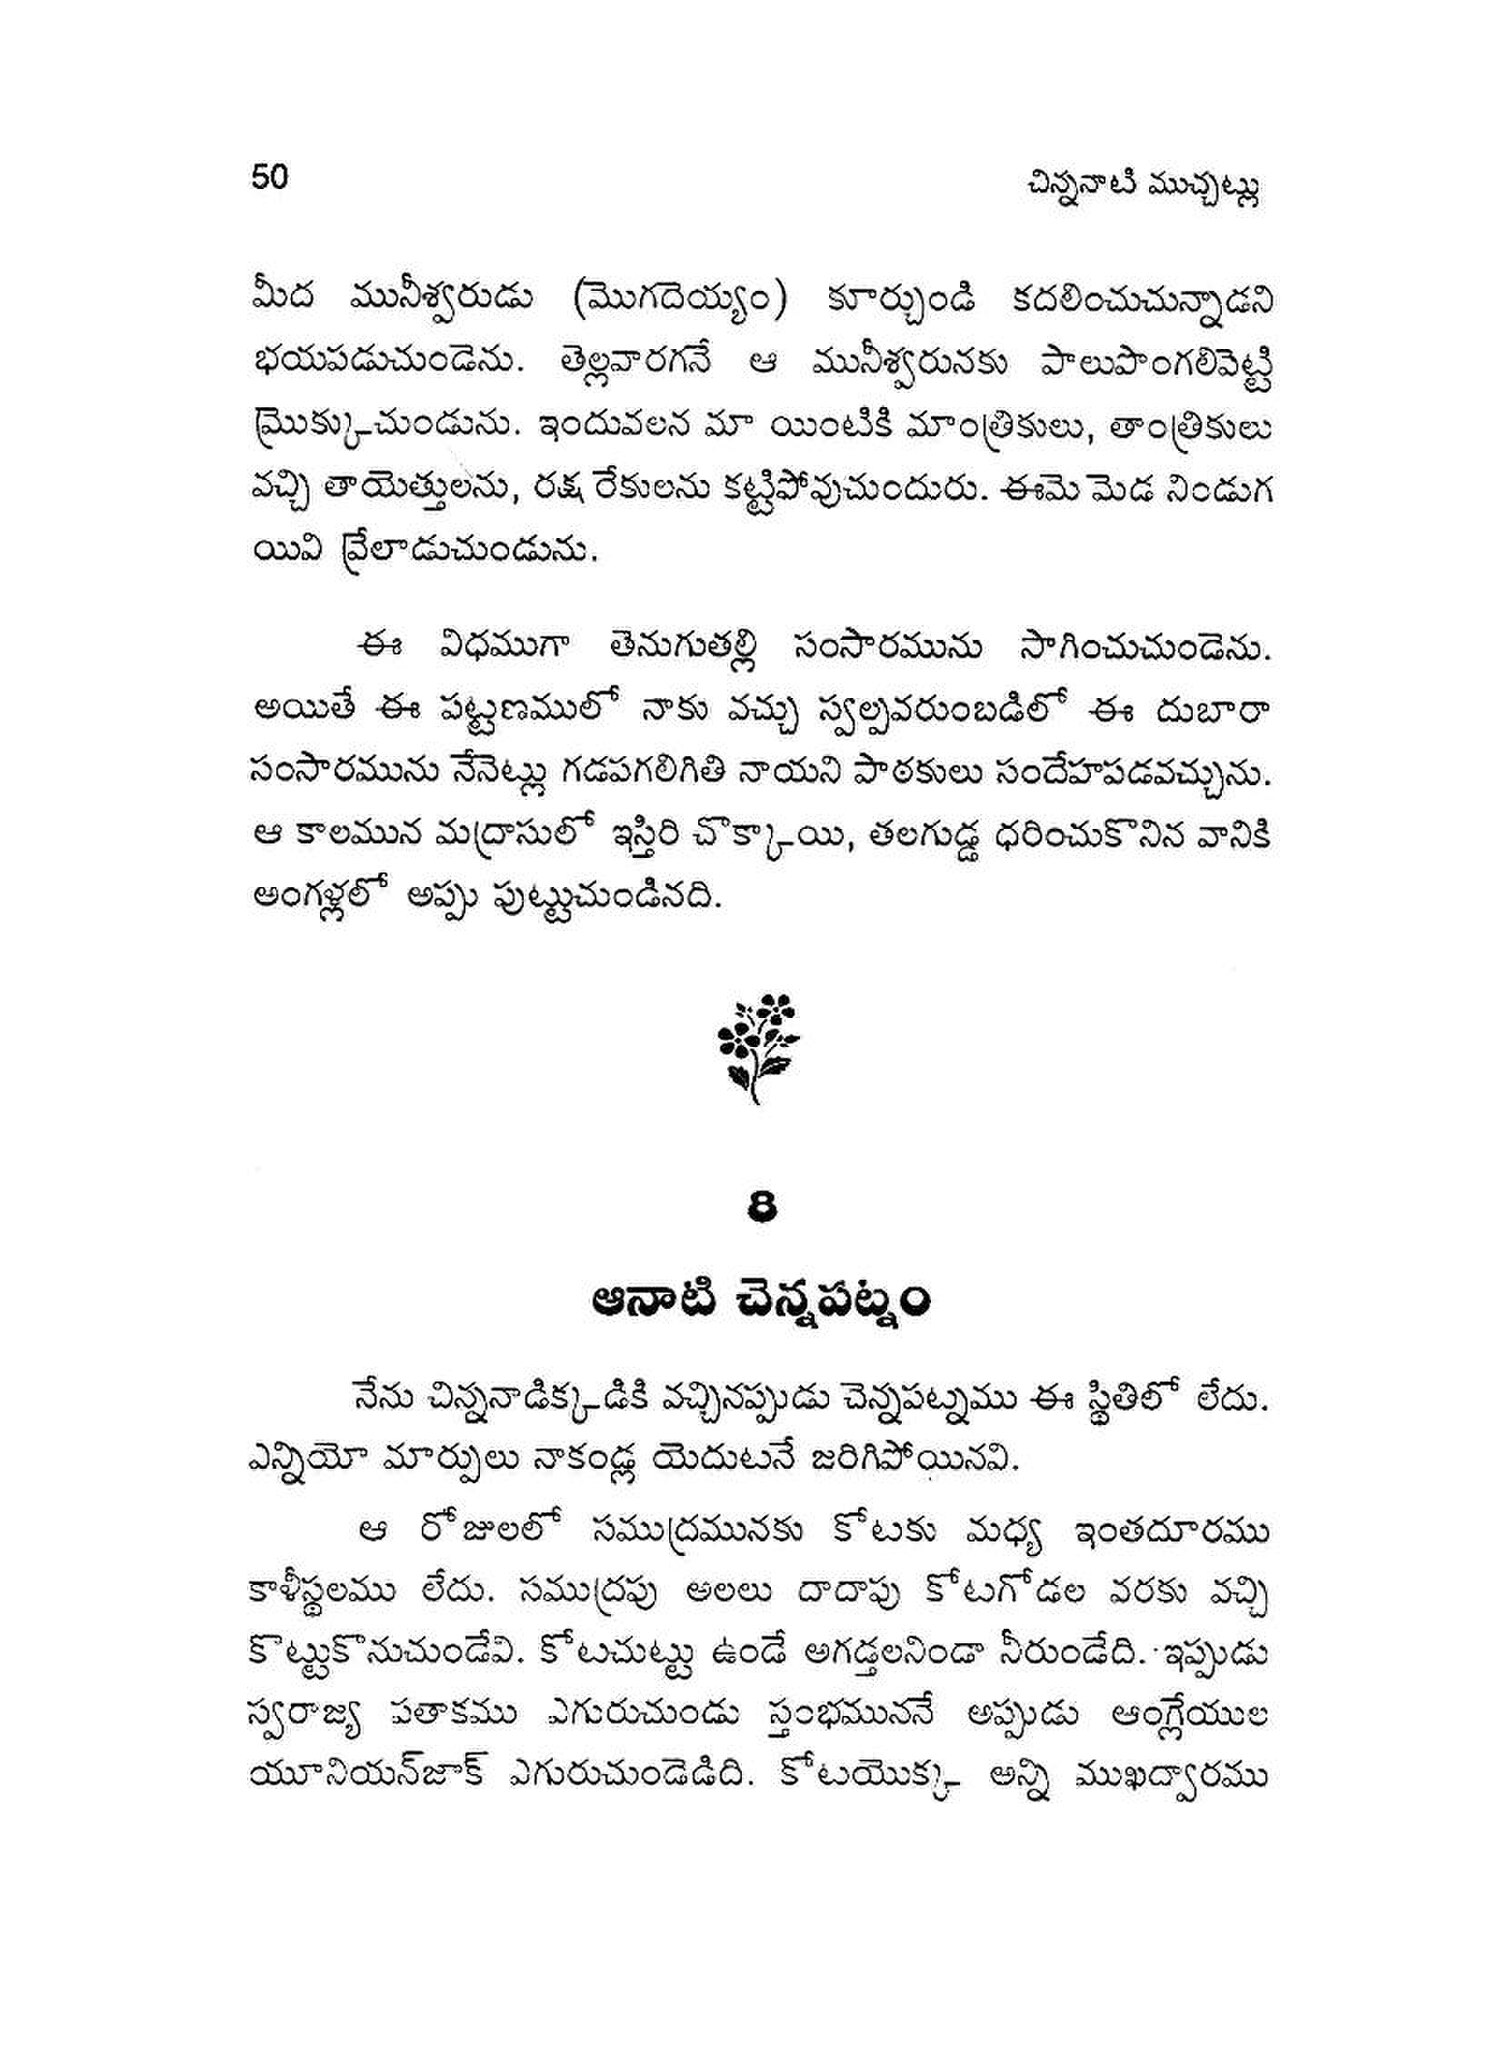మీద మునీశ్వరుడు (మొగదెయ్యం) కూర్చుండి కదలించుచున్నాడని భయపడుచుండెను. తెల్లవారగనే ఆ మునీశ్వరునకు పాలుపొంగలివెట్టి మొక్కుచుండును. ఇందువలన మా యింటికి మాంత్రికులు, తాంత్రికులు వచ్చి తాయెత్తులను, రక్షరేకులను కట్టిపోవుచుందురు. ఈమె మెడ నిండుగ యివి వ్రేలాడుచుండును.

ఈ విధముగా తెనుగుతల్లి సంసారమును సాగించుచుండెను. అయితే ఈ పట్టణములో నాకు వచ్చు స్వల్పవరుంబడిలో ఈ దుబారా సంసారమును నేనెట్లు గడపగలిగితి నాయని పాఠకులు సందేహపడవచ్చును. ఆ కాలమున మద్రాసులో ఇస్తిరి చొక్కాయి, తలగుడ్డ ధరించుకొనిన వానికి అంగళ్లలో అప్పు పుట్టుచుండినది.

నేను చిన్ననాడిక్కడికి వచ్చినప్పుడు చెన్నపట్నము ఈ స్థితిలో లేదు. ఎన్నియో మార్పులు నాకండ్ల యెదుటనే జరిగిపోయినవి.

ఆ రోజులలో సముద్రమునకు కోటకు మధ్య ఇంతదూరము కాళీస్థలము లేదు. సముద్రపు అలలు దాదాపు కోటగోడల వరకు వచ్చి కొట్టుకొనుచుండేవి. కోటచుట్టు ఉండే అగడ్తలనిండా నీరుండేది. ఇప్పడు స్వరాజ్య పతాకము ఎగురుచుండు స్తంభముననే అప్పుడు ఆంగ్లేయుల యూనియన్ జాక్ ఎగురుచుండెడిది. కోటయొక్క అన్ని ముఖద్వారము